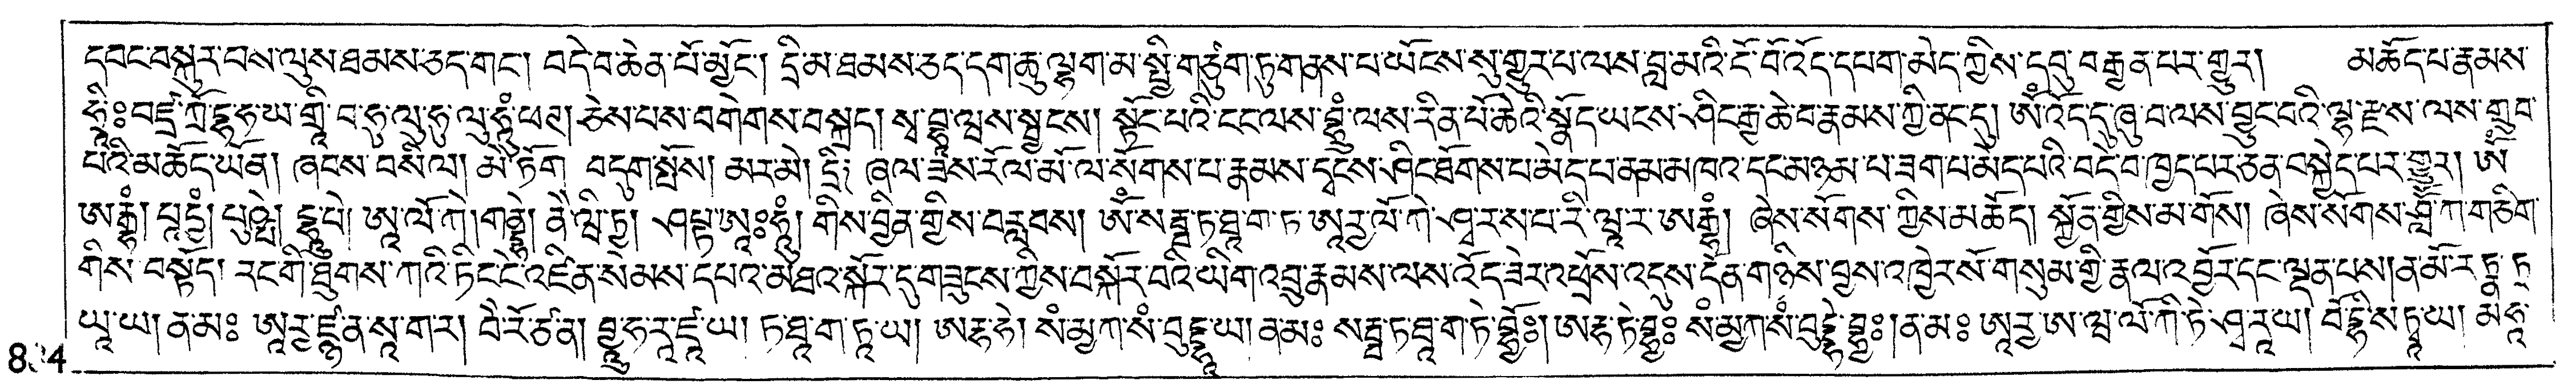དབང་བསྐུར་པས་ལུས་ཐམས་ཅད་གང་། བདེ་བ་ཆེན་པོ་མྱོང་། དྲི་མ་ཐམས་ཅད་དག་ཆུ་ལྷག་མ་སྤྱི་གཙུག་ཏུ་གནས་པ་ཡོངས་སུ་གྱུར་པ་ལས་བླ་མའི་ངོ་བོ་འོད་དཔག་མེད་ཀྱིས་དབུ་བརྒྱན་པར་གྱུར། མཆོད་པ་རྣམས་
ཧྲཱིཿ བཛྲ་ཀྲོ་དྷ་ཧ་ཡ་གྲཱི་བ་ཧུ་ལུ་ཧུ་ལུ་ཧཱུཾ་ཕཊ། ཅེས་པས་བགེགས་བསྐྲད། སྭ་བྷཱ་ཝས་སྦྱངས། སྟོང་པའི་ངང་ལས་བྷྲུཾ་ལས་རིན་པོ་ཆེའི་སྣོད་ཡངས་ཤིང་རྒྱ་ཆེ་བ་རྣམས་ཀྱི་ནང་དུ། ཨོཾ་འོད་དུ་ཞུ་བ་ལས་བྱུང་བའི་ལྷ་རྫས་ལས་གྲུབ་
པའི་མཆོད་ཡོན། ཞབས་བསིལ། མེ་ཏོག །བདུག་སྤོས། མར་མེ། དྲིཿ ཞལ་ཟས་རོལ་མོ་ལ་སོགས་པ་རྣམས་དྭངས་ཤིང་ཐོགས་པ་མེད་པ་ནམ་མཁའ་དང་མཉམ་པ་ཟག་པ་མེད་པའི་བདེ་བ་ཁྱད་པར་ཅན་བསྐྱེད་པར་གྱུར། ཨོཾ་
ཨརྒྷཾ། པཱདྱཾ། དྷཱུ་པེ། ཨཱ་ལོ་ཀེ། གནྡྷེ། ནཻ་ཝི་ཏྱ། ཤཔྟ་ཨཱཿ ཧཱཱུམ། གིས་བྱིན་གྱིས་བརླབས། ཨོཾ་སརྦྦ་ཏ་ཐཱ་ག་ཏ་ཨཱརྱ་ལོ་ཀེ་ཤྭ་ར་ས་པ་རི་ཝཱ་ར་ཨརྒྷཾ། ཞེས་སོགས་ཀྱིས་མཆོད། སྐྱོན་གྱིས་མ་གོས། ཞེས་སོགས་ཤླཽ་ཀ་གཅིག་
གིས་བསྟོད། རང་གི་ཐུགས་ཀའི་ཏིང་ངེ་འཛིན་སེམས་དཔའ་མཐའ་སྐོར་དུ་གཟུངས་ཀྱིས་བསྐོར་བའི་ཡིག་འབྲུ་རྣམས་ལས་འོད་ཟེར་འཕྲོས་འདུས་དོན་གཉིས་བྱས་འཁྱེར་སོ་གསུམ་གྱི་རྣལ་འབྱོར་དང་ལྡན་པས། ན་མོ་རཏྣ་ཏྲ་
ཡཱ་ཡ། ན་མཿ ཨཱརྱ་ཛྙ་ན་སཱ་ག་ར། བཻ་རོ་ཙ་ན། བྱཱུ་ཧ་རཱ་ཛཱ་ཡ། ཏ་ཐཱ་ག་ཏཱ་ཡ། ཨརྷ་ཧེ། སཾ་མྱ་ཀ་སཾ་བུདྡྷཱ་ཡ། ན་མཿ སརྦྦ་ཏ་ཐཱ་ག་ཏེ་བྷྱོཿ། ཨརྷ་ཏེ་བྷྱཿ སཾ་མྱ་ཀ་སཾ་བུདྡྷེ་བྷྱཿ། ན་མཿ ཨཱརྱ་ཨ་ཝ་ལོ་ཀི་ཏེ་ཤྭ་རྭ་ཡ། བོ་དྷི་ས་ཏྭཱ་ཡ། མཧཱ་